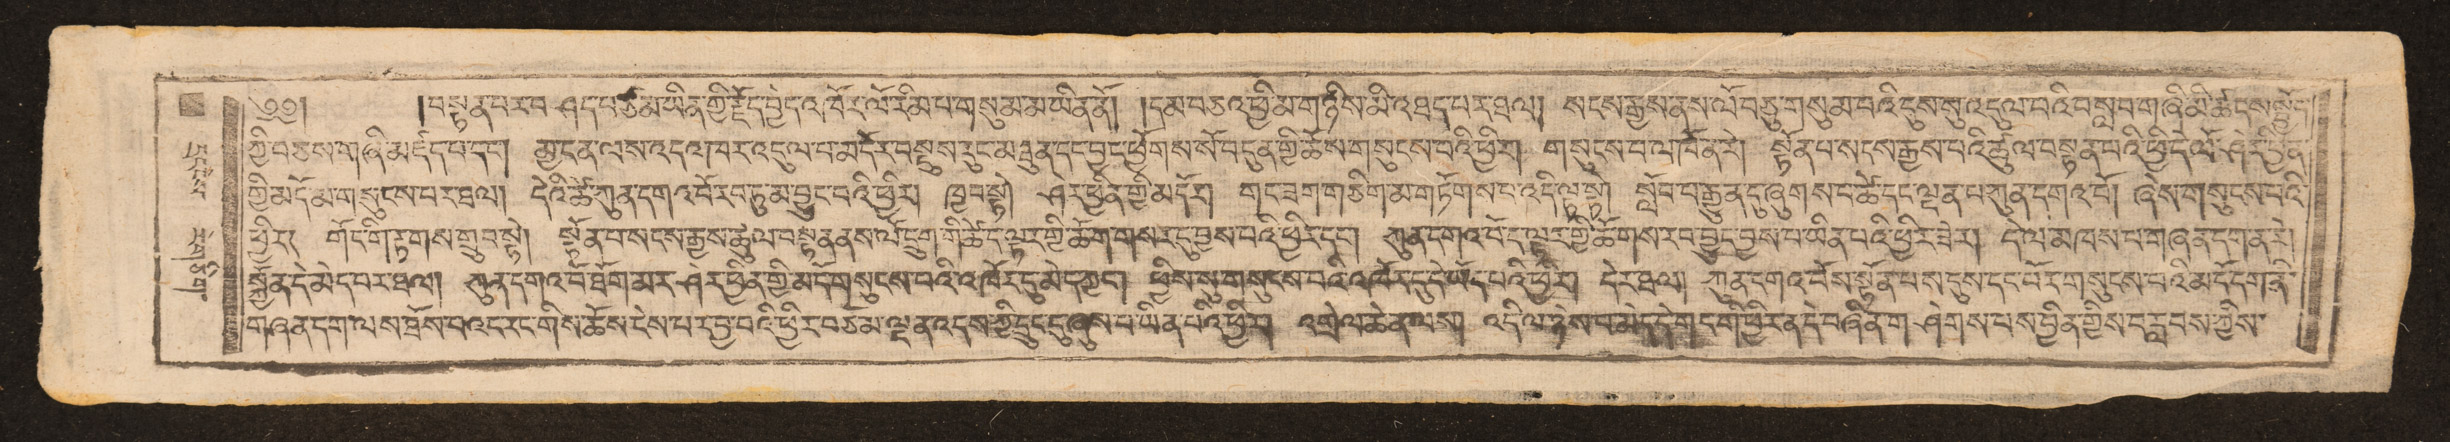༄༅། །བསྟན་པར་བཤད་པ་ཙམ་ཡིན་གྱི་རྗོད་བྱེད་འཁོར་ལོ་རིམ་པ་གསུམ་མ་ཡིན་ནོ། །དམ་བཅའ་ཕྱི་མ་གཉིས་མི་འཐད་པར་ཐལ། སངས་རྒྱས་ནས་ལོ་བཅུ་གསུམ་པའི་དུས་སུ་འདུལ་བའི་བསླབ་གཞི་མི་ཚངས་སྤྱོད་
ཀྱི་བཅས་གཞི་མཛད་པ་དང་། མྱ་ངན་ལས་འདའ་ཁར་འདུལ་བ་མདོར་བསྡུས་རུང་མཐུན་དང་བྱང་ཕྱོགས་སོ་བདུན་གྱི་ཆོས་གསུངས་པའི་ཕྱིར། གསུངས་པ་ལ་ཁོ་ན་རེ། སྟོན་པ་སངས་རྒྱས་པའི་ཚུལ་བསྟན་པའི་ཕྱི་དེ་ལོ་ཤེར་ཕྱིན་
གྱི་མདོ་མ་གསུངས་པར་ཐལ། དེའི་ཚེ་ཀུན་དགའ་བོ་རབ་ཏུ་མ་བྱུང་བའི་ཕྱིར། ཁྱབ་སྟེ། ཤེར་ཕྱིན་གྱི་མདོར། གང་ཟག་གཅིག་མ་གཏོགས་པ་འདི་ལྟ་སྟེ། སློབ་པ་རྒྱུན་དུ་ཞུགས་པ་ཚེ་དང་ལྡན་པ་ཀུན་དགའ་བོ། ཞེས་གསུངས་པའི་
ཕྱིར༑ གོང་གི་རྟགས་གྲུབ་སྟེ། སྟོན་པ་སངས་རྒྱས་ཚུལ་བསྟན་ནས་ལོ་དྲུག་གི་ཚེ་ད་ལྟར་གྱི་ཆོ་ག་གསར་དུ་བྱས་པའི་ཕྱིར་དང་། ཀུན་དགའ་བོ་ད་ལྟར་གྱི་ཆོ་གས་རབ་བྱུང་བྱས་པ་ཡིན་པའི་ཕྱིར་ཟེར། དེ་ལ་མཁས་པ་གཞན་དག་ན་རེ།
སྐྱོན་དེ་མེད་པར་ཐལ། ཀུན་དགའ་བོ་ཐོག་མར་ཤེར་ཕྱིན་གྱི་མདོ་གསུངས་པའི་འཁོར་དུ་མེད་ཀྱང་། ཕྱིས་སུ་གསུངས་པའི་འཁོར་དུ་དེ་ཡོད་པའི་ཕྱིར། དེར་ཐལ། ཀུན་དགའ་བོས་སྟོན་པས་དུས་དང་པོར་གསུངས་པའི་མདོ་དག་ནི་
གཞན་དག་ལས་ཐོས་པའང་རང་གིས་ཆོས་ངེས་པར་བྱ་བའི་ཕྱིར་བཅོམ་ལྡན་འདས་ཀྱི་དྲུང་དུ་ཞུས་པ་ཡིན་པའི་ཕྱིར། འགྲེལ་ཆེན་ལས། འདི་ལ་ཉེས་པ་མེད་དེ་གང་གི་ཕྱིར་ན་དེ་བཞིན་གཤེགས་པས་བྱིན་གྱིས་བརླབས་ཀྱིས་